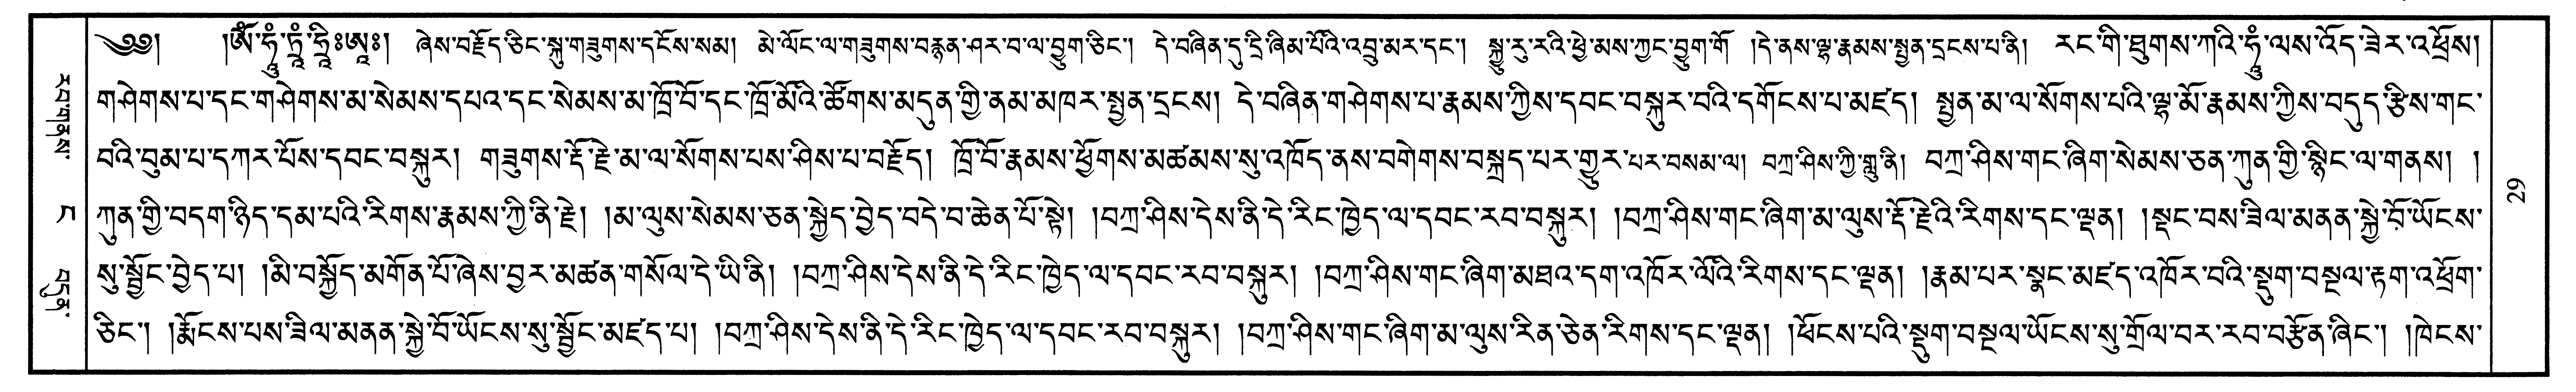༄༅། །ཨོཾ་ཧཱུཾ་ཏྲཱཾ་ཧྲཱིཿ ཨཱཿ། ཞེས་བརྗོད་ཅིང་སྐུ་གཟུགས་དངོས་སམ། མེ་ལོང་ལ་གཟུགས་བརྙན་ཤར་བ་ལ་བྱུག་ཅིང་། དེ་བཞིན་དུ་དྲི་ཞིམ་པོའི་འབྲུ་མར་དང་། སྐྱུ་རུ་རའི་ཕྱེ་མས་ཀྱང་བྱུག་གོ །དེ་ནས་ལྷ་རྣམས་སྤྱན་དྲངས་པ་ནི། རང་གི་ཐུགས་ཀའི་ཧཱུཾ་ལས་འོད་ཟེར་འཕྲོས།
གཤེགས་པ་དང་གཤེགས་མ་སེམས་དཔའ་དང་སེམས་མ་ཁྲོ་བོ་དང་ཁྲོ་མོའི་ཚོགས་མདུན་གྱི་ནམ་མཁར་སྤྱན་དྲངས། དེ་བཞིན་གཤེགས་པ་རྣམས་ཀྱིས་དབང་བསྐུར་བའི་དགོངས་པ་མཛད། སྤྱན་མ་ལ་སོགས་པའི་ལྷ་མོ་རྣམས་ཀྱིས་བདུད་རྩིས་གང་
བའི་བུམ་པ་དཀར་པོས་དབང་བསྐུར། གཟུགས་རྡོ་རྗེ་མ་ལ་སོགས་པས་ཤིས་པ་བརྗོད། ཁྲོ་བོ་རྣམས་ཕྱོགས་མཚམས་སུ་འཁོད་ནས་བགེགས་བསྐྲད་པར་གྱུར་པར་བསམ་ལ། བཀྲ་ཤིས་ཀྱི་གླུ་ནི། བཀྲ་ཤིས་གང་ཞིག་སེམས་ཅན་ཀུན་གྱི་སྙིང་ལ་གནས།
ཀུན་གྱི་བདག་ཉིད་དམ་པའི་རིགས་རྣམས་ཀྱི་ནི་རྗེ། །མ་ལུས་སེམས་ཅན་སྐྱེད་བྱེད་བདེ་བ་ཆེན་པོ་སྟེ། །བཀྲ་ཤིས་དེས་ནི་དེ་རིང་ཁྱེད་ལ་དབང་རབ་བསྐུར། །བཀྲ་ཤིས་གང་ཞིག་མ་ལུས་རྡོ་རྗེའི་རིགས་དང་ལྡན། །སྡང་བས་ཟིལ་མནན་སྐྱེ་བོ་ཡོངས་
སུ་སྦྱོང་བྱེད་པ། །མི་བསྐྱོད་མགོན་པོ་ཞེས་བྱར་མཚན་གསོལ་དེ་ཡི་ནི། །བཀྲ་ཤིས་དེས་ནི་དེ་རིང་ཁྱེད་ལ་དབང་རབ་བསྐུར། །བཀྲ་ཤིས་གང་ཞིག་མཐའ་དག་འཁོར་ལོའི་རིགས་དང་ལྡན། །རྣམ་པར་སྣང་མཛད་འཁོར་བའི་སྡུག་བསྔལ་རྟག་འཕྲོག་
ཅིང་། །རྨོངས་པས་ཟིལ་མནན་སྐྱེ་བོ་ཡོངས་སུ་སྦྱོང་མཛད་པ། །བཀྲ་ཤིས་དེས་ནི་དེ་རིང་ཁྱེད་ལ་དབང་རབ་བསྐུར། །བཀྲ་ཤིས་གང་ཞིག་མ་ལུས་རིན་ཅེན་རིགས་དང་ལྡན། །ཕོངས་པའི་སྡུག་བསྔལ་ཡོངས་སུ་གྲོལ་བར་རབ་བརྩོན་ཞིང་། །ཁེངས་